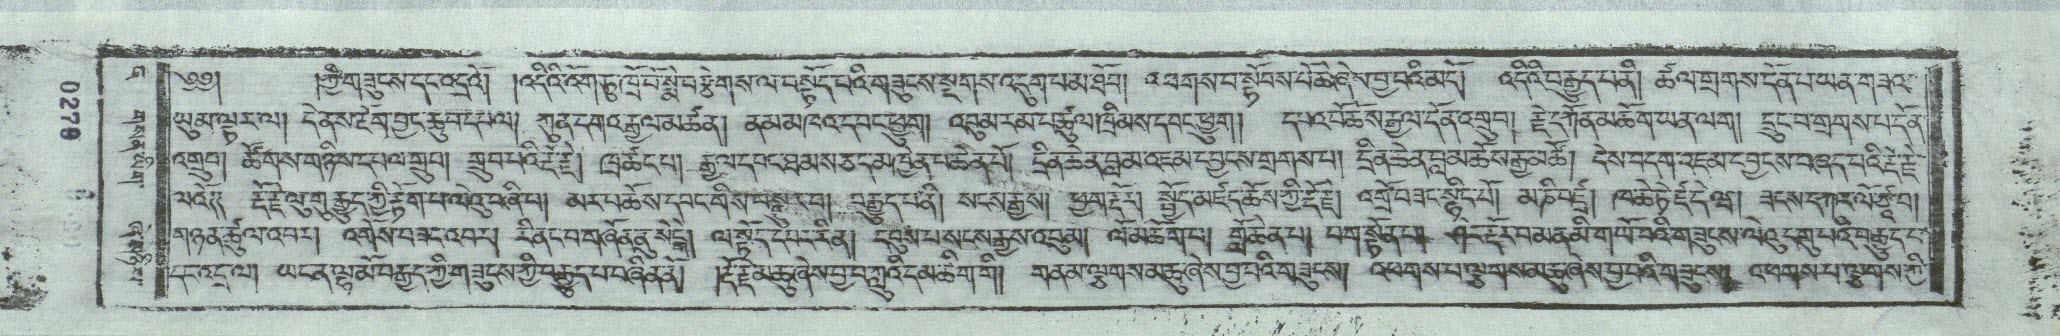༄༅། །ཀྱི་གཟུངས་དང་འདྲའོ། །འདིའི་འོག་ཏུ་ཁྲོ་པོ་སྨེ་བ་རྩེགས་ལ་བསྟོད་པའི་གཟུངས་སྔགས་འདུག་པ་མ་ཐོབ། འཕགས་པ་སྟོབས་པོ་ཆེ་ཞེས་བྱ་བའི་མདོ། འདིའི་བརྒྱུད་པ་ནི། ཚལ་གྲགས་དོན་པ་ཡན་གཟའ་
ཡུམ་ལྟར་ལ། དེ་ནས་རྔོག་བྱང་ཆུབ་དཔལ། ཀུན་དགའ་རྒྱལ་མཚན། ནམ་མཁའ་དབང་ཕྱུག། འབུམ་རམ་པ་ཚུལ་ཁྲིམས་དབང་ཕྱུག། དཔའ་བོ་ཆོས་རྒྱལ་དོན་འགྲུབ། རྗེ་དཀོན་མཆོག་ཡན་ལག། དྲུང་བ་གྲགས་པ་དོན་
འགྲུབ། ཚོགས་གཉིས་དཔལ་གྲུབ། གྲུབ་པའི་རྡོ་རྗེ། ཁྲ་ཚང་པ། རྒྱལ་དབང་ཐམས་ཅད་མཁྱེན་པ་ཆེན་པོ། དྲིན་ཆེན་བླ་མ་འཇམ་དབྱངས་གྲགས་པ། དྲིན་ཆེན་བླ་མ་ཆོས་རྒྱ་མཚོ། དེས་བདག་འཇམ་དབྱངས་བཞད་པའི་རྡོ་རྗེ་
ལའོ༑༑ རྡོ་རྗེ་ལུ་གུ་རྒྱུད་ཀྱི་རྟོག་པ་ལེའུ་བཞི་པ། མར་པ་ཆོས་དབང་གིས་བསྒྱུར་པ། བརྒྱུད་པ་ནི། སངས་རྒྱས། ཕྱག་རྡོར། སྤྱོད་མཛད་ཆོས་ཀྱི་རྡོ་རྗེ། འགྲོ་བཟང་སྙིང་པོ། མ་ཎི་བཛྲ། ཁ་ཆེ་ཏེ་ཛ་དེ་ཝ། ཟངས་དཀར་ལོ་ཙཱ་བ།
གཉན་ཚུལ་འབར། འགོས་བཟང་འབར། རི་ནང་བ་གཞོན་ནུ་སེངྒེ། ལ་སྟོད་དཔང་རིན། དབུས་པ་སངས་རྒྱས་འབུམ། ལོ་མཆོག་པ། གློ་ཆེན་པ། བག་སྟོན་པ། ཤེར་རྡོར་བ་མན་མི་གཡོ་བའི་གཟུངས་ལེའུ་དགུ་པའི་བརྒྱུད་པ་
དང་འདྲ་ལ། ཡང་ན་ལྷ་མོ་བརྒྱད་ཀྱི་གཟུངས་ཀྱི་བརྒྱུད་པ་བཞིན་ནོ། །རྡོ་རྗེ་མཆུ་ཞེས་བྱ་བ་ཀླུའི་དམ་ཚིག་གི། གནམ་ལྕགས་མཆུ་ཞེས་བྱ་བའི་གཟུངས། འཕགས་པ་ལྕགས་མཆུ་ཞེས་བྱ་བའི་གཟུངས། འཕགས་པ་ལྕགས་ཀྱི་